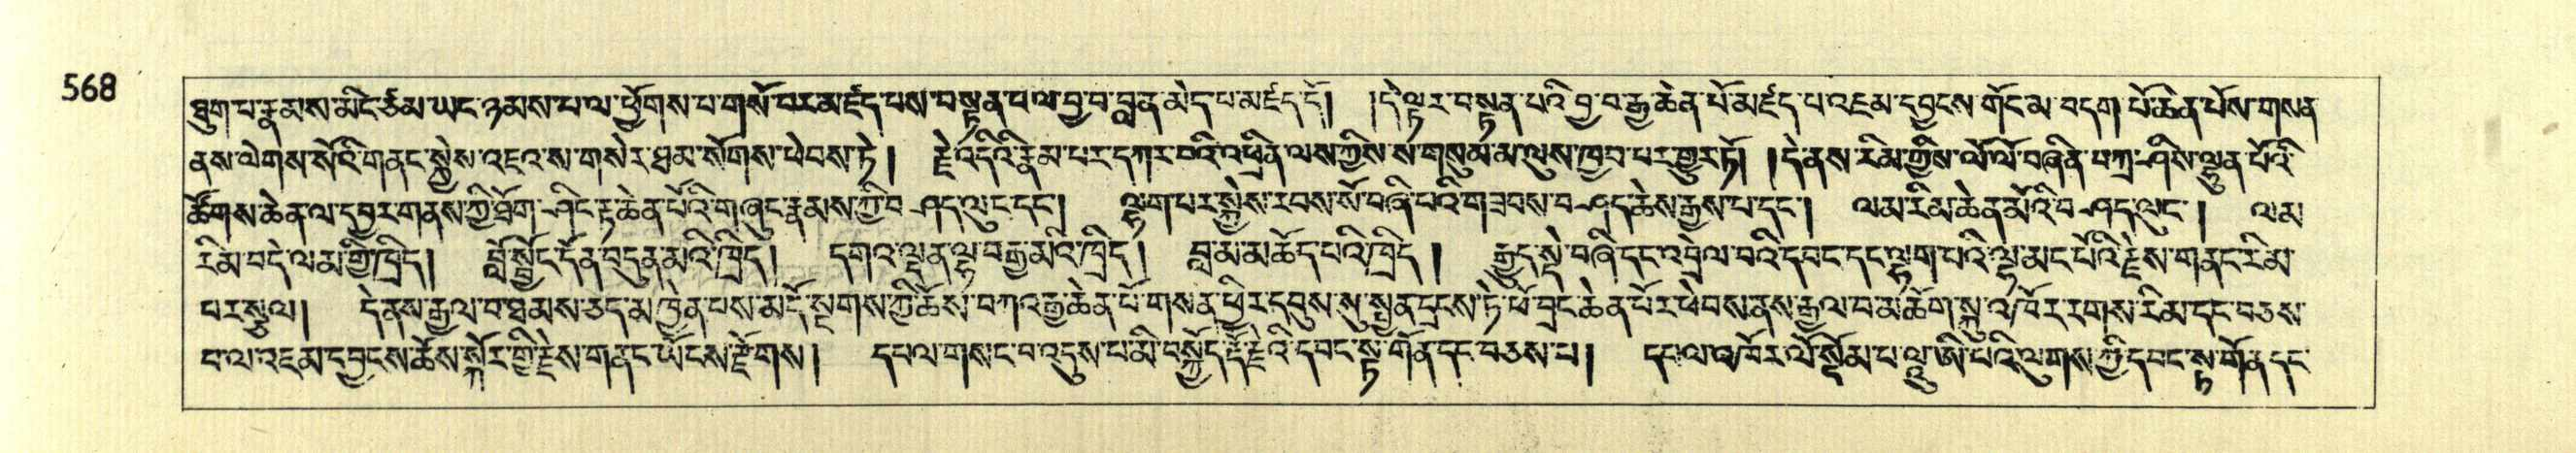ཐུག་པ་རྣམས་མིང་ཙམ་ཡང་ཉམས་པ་ལ་ཕྱོགས་པ་གསོ་བར་མཛད་པས་བསྟན་པ་ལ་བྱ་བ་བླ་ན་མེད་པ་མཛད་དོ། །དེ་ལྟར་བསྟན་པའི་བྱ་བ་རྒྱ་ཆེན་པོ་མཛད་པ་འཇམ་དབྱངས་གོང་མ་བདག་པོ་ཆེན་པོས་གསན་
ནས་ལེགས་སོའི་གནང་སྐྱེས་འཇའ་ས་གསེར་ཐམ་སོགས་ཕེབས་ཏེ། རྗེ་འདིའི་རྣམ་པར་དཀར་བའི་འཕྲིན་ལས་ཀྱིས་ས་གསུམ་མ་ལུས་ཁྱབ་པར་གྱུར་ཏོ། །དེ་ནས་རིམ་གྱིས་ལོ་ལོ་བཞིན་བཀྲ་ཤིས་ལྷུན་པོའི་
ཚོགས་ཆེན་ལ་དབྱར་གནས་ཀྱི་ཐོག་ཤིང་རྟ་ཆེན་པོའི་གཞུང་རྣམས་ཀྱི་བཤད་ལུང་དང་། ལྷག་པར་སྐྱེས་རབས་སོ་བཞི་པའི་གཟབས་བཤད་ཆེས་རྒྱས་པ་དང་། ལམ་རིམ་ཆེན་མོའི་བཤད་ལུང་། ལམ་
རིམ་བདེ་ལམ་གྱི་ཁྲིད། བློ་སྦྱོང་དོན་བདུན་མའི་ཁྲིད། དགའ་ལྡན་ལྷ་བརྒྱ་མའི་ཁྲིད། བླ་མ་མཆོད་པའི་ཁྲིད། རྒྱུད་སྡེ་བཞི་དང་འབྲེལ་བའི་དབང་དང་ལྷག་པའི་ལྷ་མང་པོའི་རྗེས་གནང་རིམ་
པར་སྩལ། དེ་ནས་རྒྱལ་བ་ཐམས་ཅད་མཁྱེན་པས་མདོ་སྔགས་ཀྱི་ཆོས་བཀའ་རྒྱ་ཆེན་པོ་གསན་ཕྱིར་དབུས་སུ་སྤྱན་དྲངས་ཏེ་ཕོ་བྲང་ཆེན་པོར་ཕེབས་ནས་རྒྱལ་བ་མཆོག་སྐུ་འཁོར་རགས་རིམ་དང་བཅས་
པ་ལ་འཇམ་དབྱངས་ཆོས་སྐོར་གྱི་རྗེས་གནང་ཡོངས་རྫོགས། དཔལ་གསང་བ་འདུས་པ་མི་བསྐྱོད་རྡོ་རྗེའི་དབང་སྟ་གོན་དང་བཅས་པ། དཔལ་འཁོར་ལོ་སྡོམ་པ་ལཱུ་ཨི་པའི་ལུགས་ཀྱི་དབང་སྟ་གོན་དང་